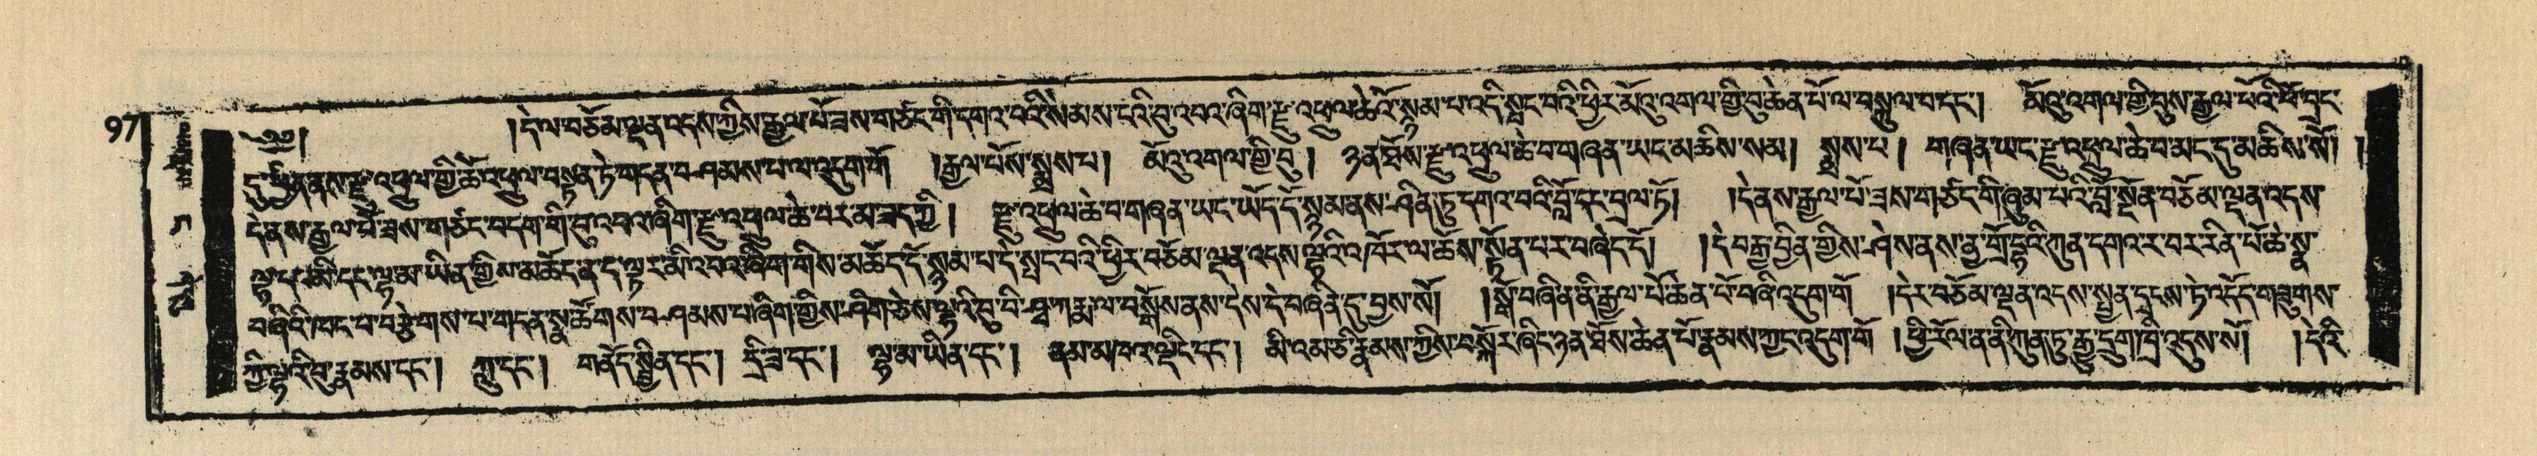༄༅། །དེ་ལ་བཅོམ་ལྡན་འདས་ཀྱིས་རྒྱལ་པོ་ཟས་གཙང་གི་དགའ་བའི་སེམས་ངའི་བུ་འབའ་ཞིག་རྫུ་འཕྲུལ་ཆེའོ་སྙམ་པ་འདི་སྤང་བའི་ཕྱིར་མོའུ་འགལ་གྱི་བུ་ཆེན་པོ་ལ་བསྐུལ་བ་དང་། མོའུ་འགལ་གྱི་བུས་རྒྱལ་པོའི་ཕོ་བྲང་
དུ་ཕྱིན་ནས་རྫུ་འཕྲུལ་གྱི་ཆོ་འཕྲུལ་བསྟན་ཏེ་གདན་བཤམས་པ་ལ་འདུག་གོ། །རྒྱལ་པོས་སྨྲས་པ། མོའུ་འགལ་གྱི་བུ། ཉན་ཐོས་རྫུ་འཕྲུལ་ཆེ་བ་གཞན་ཡང་མཆིས་སམ། སྨྲས་པ། གཞན་ཡང་རྫུ་འཕྲུལ་ཆེ་བ་མང་དུ་མཆིས་སོ། །
དེ་ནས་རྒྱལ་པོ་ཟས་གཙང་བདག་གི་བུ་འབའ་ཞིག་རྫུ་འཕྲུལ་ཆེ་བར་མ་ཟད་ཀྱི། རྫུ་འཕྲུལ་ཆེ་བ་གཞན་ཡང་ཡོད་དོ་སྙམ་ནས་ཤིན་ཏུ་དགའ་བའི་བློ་དང་བྲལ་ཏོ། །དེ་ནས་རྒྱལ་པོ་ཟས་གཙང་གི་ཞུམ་པའི་བློ་སྔོན་བཅོམ་ལྡན་འདས་
ལྷ་དང་མི་དང་ལྷ་མ་ཡིན་གྱིས་མཆོད་ན་ད་ལྟར་མི་འབའ་ཞིག་གིས་མཆོད་དོ་སྙམ་པ་དེ་སྤང་བའི་ཕྱིར་བཅོམ་ལྡན་འདས་ལྷའི་འཁོར་ལ་ཆོས་སྟོན་པར་བཞེད་དོ། །དེ་བརྒྱ་བྱིན་གྱིས་ཤེས་ནས་ནྱ་གྲོ་དྷའི་ཀུན་དགའ་ར་བར་རིན་པོ་ཆེ་སྣ་
བཞིའི་ཁང་པ་བརྩེགས་པ་གདན་སྣ་ཚོགས་བཤམས་པ་ཞིག་གྱིས་ཤིག་ཅེས་ལྷའི་བུ་བི་ཤྭ་ཀརྨ་ལ་བསྒོས་ནས་དེས་དེ་བཞིན་དུ་བྱས་སོ། །སྒོ་བཞིན་ནི་རྒྱལ་པོ་ཆེན་པོ་བཞི་འདུག་གོ །དེར་བཅོམ་ལྡན་འདས་སྤྱན་དྲངས་ཏེ་འདོད་གཟུགས་
ཀྱི་ལྷའི་བུ་རྣམས་དང་། ཀླུ་དང་། གནོད་སྦྱིན་དང་། དྲི་ཟ་དང་། ལྷ་མ་ཡིན་དང་། ནམ་མཁའ་ལྡིང་དང་། མི་འམ་ཅི་རྣམས་ཀྱིས་བསྐོར་ཞིང་ཉན་ཐོས་ཆེན་པོ་རྣམས་ཀྱང་འདུག་གོ །ཕྱི་རོལ་ན་ནི་ཀུན་ཏུ་རྒྱུ་དྲུག་ཁྲི་འདུས་སོ། །དེའི་